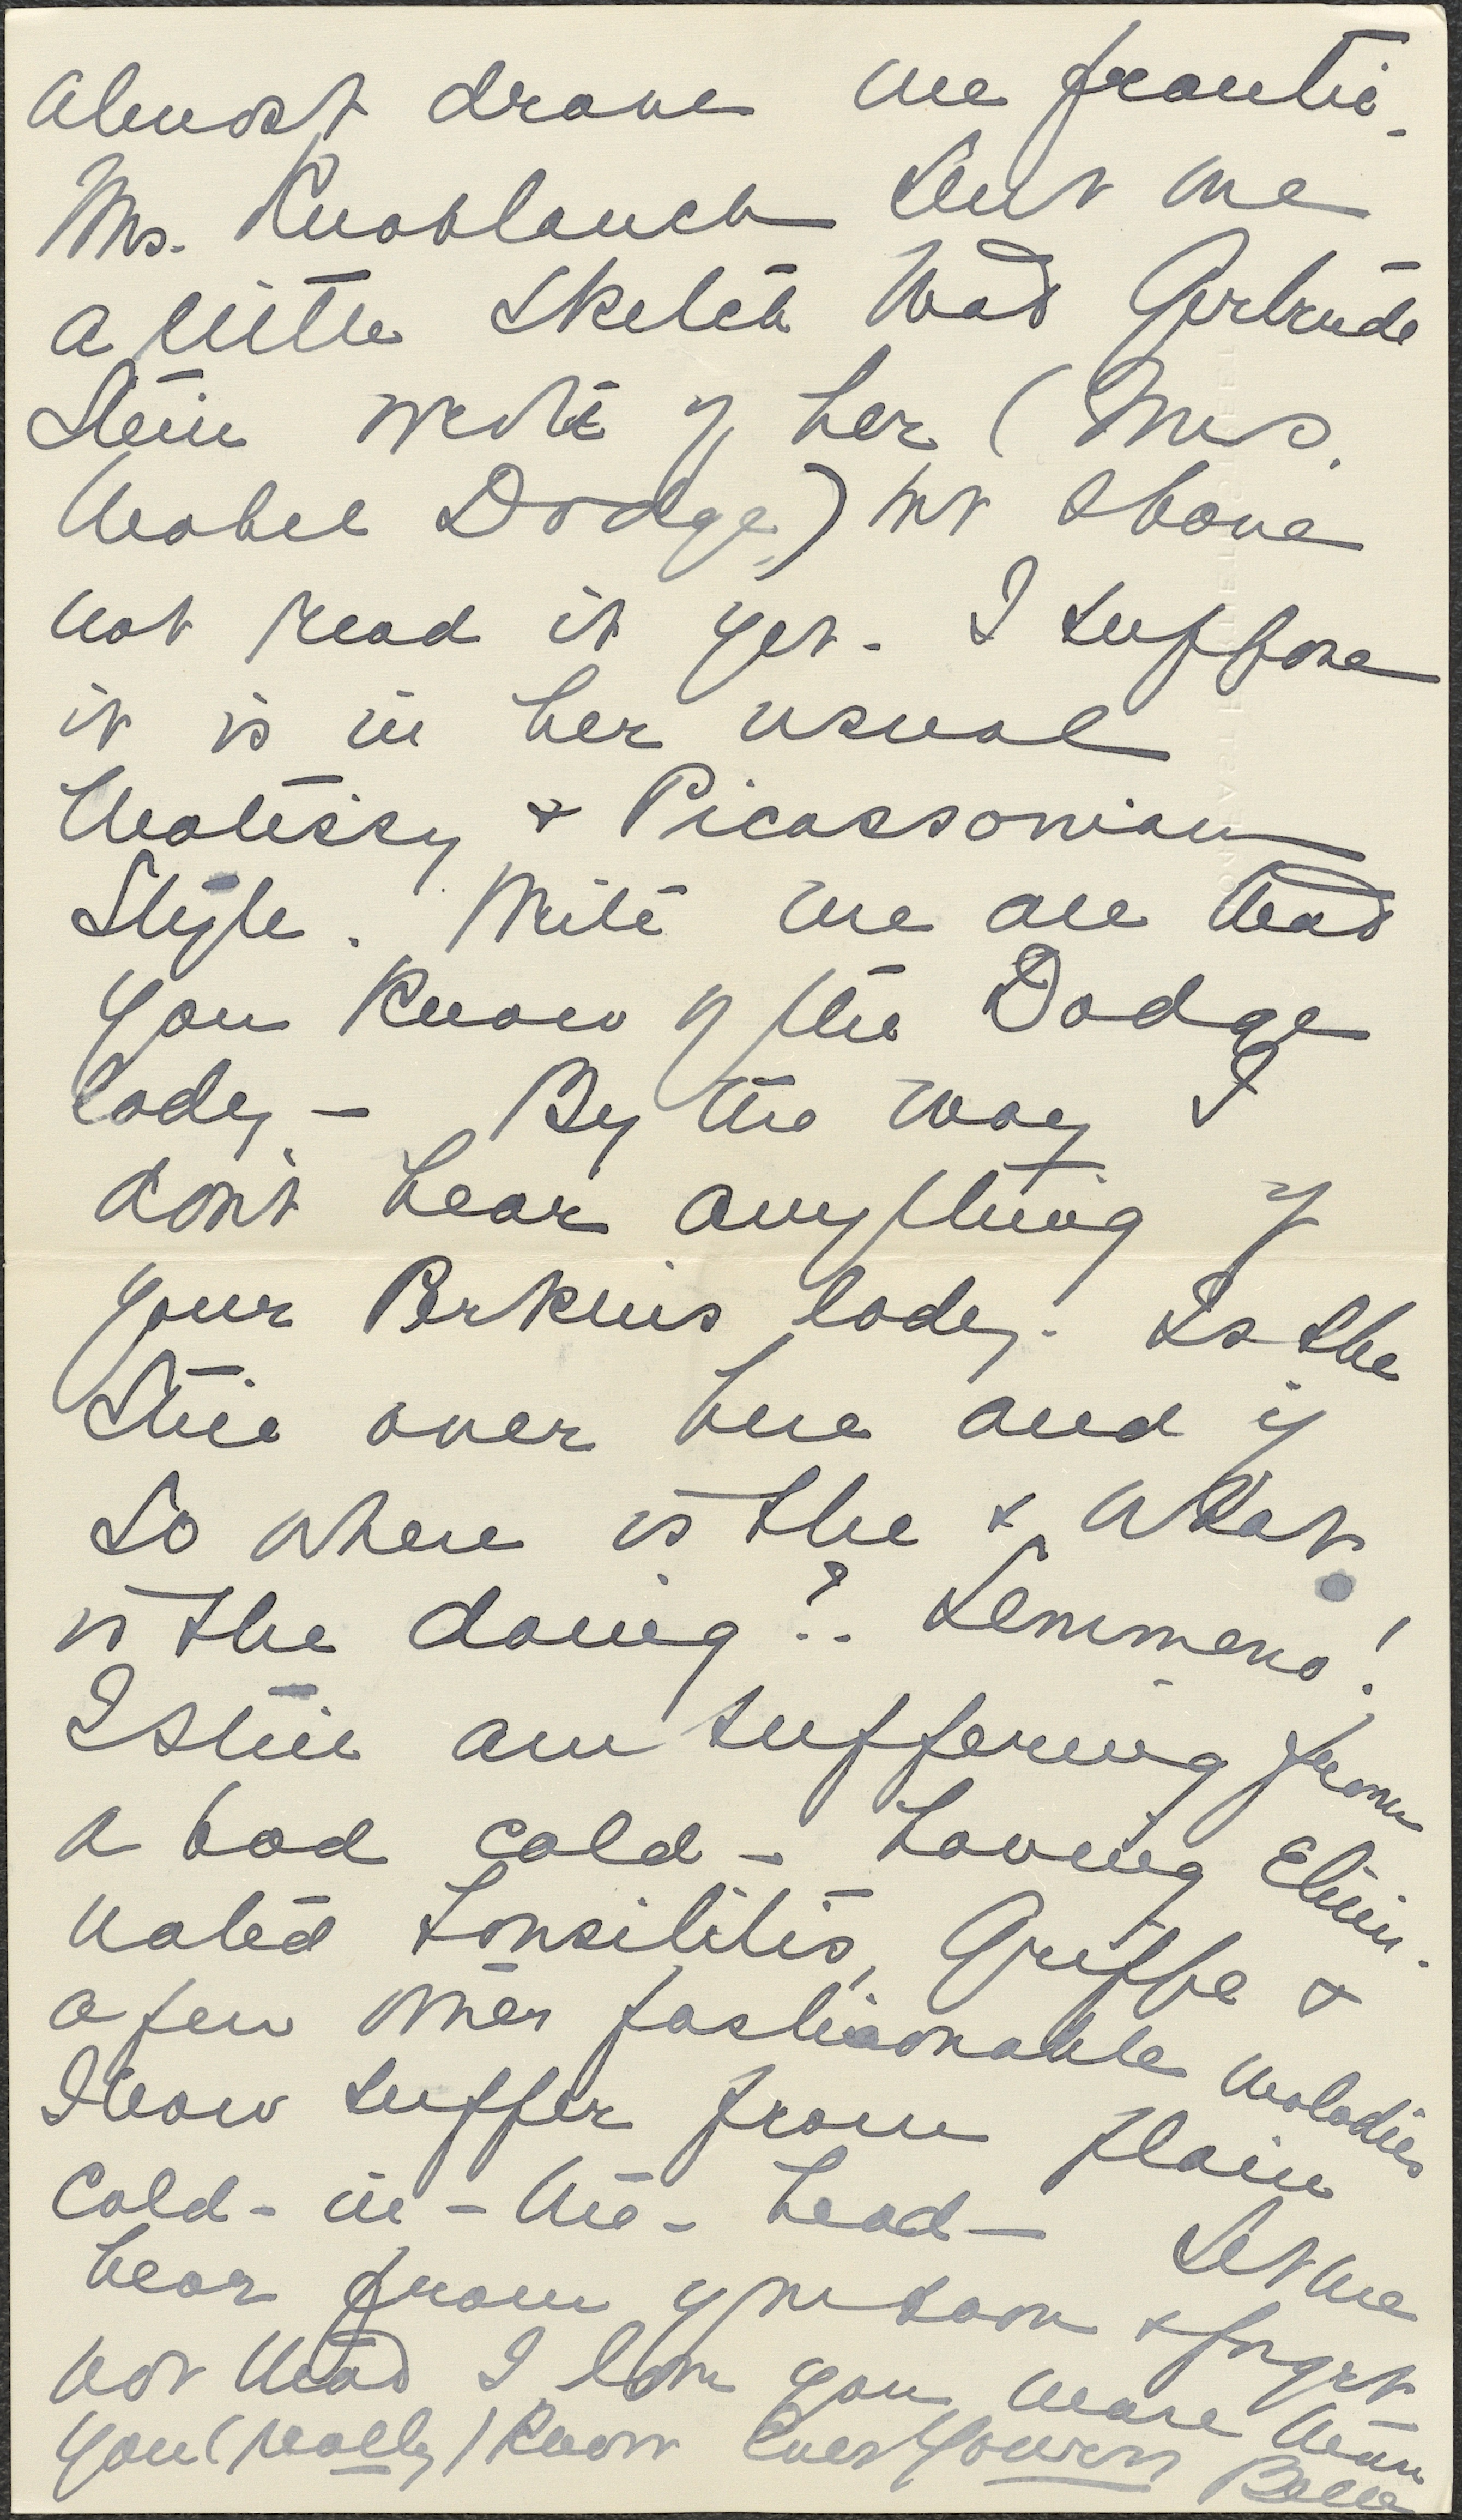almost drove me frantic Mrs. Knoblauch sent me a little sketch that Gertrude Stein wrote of her (Mrs. Mabel Dodge) but I have not read it yet – I suppose it is in her usual Matissy & Picassonian Style. Write me all that you know of the Dodge lady – By the way don’t hear anything of your Perkins lady. Is she still over here and if so where is she & what is she doing? Lemmeno! I still am suffering from a bad cold – having eliminated Tonsillitis, Grippe & a few other fashionable maladies I now suffer from plain cold-in-the-head – Let me hear from you soon & forget not that I love you more than you (really) know Ever Yourss [sic] Belle